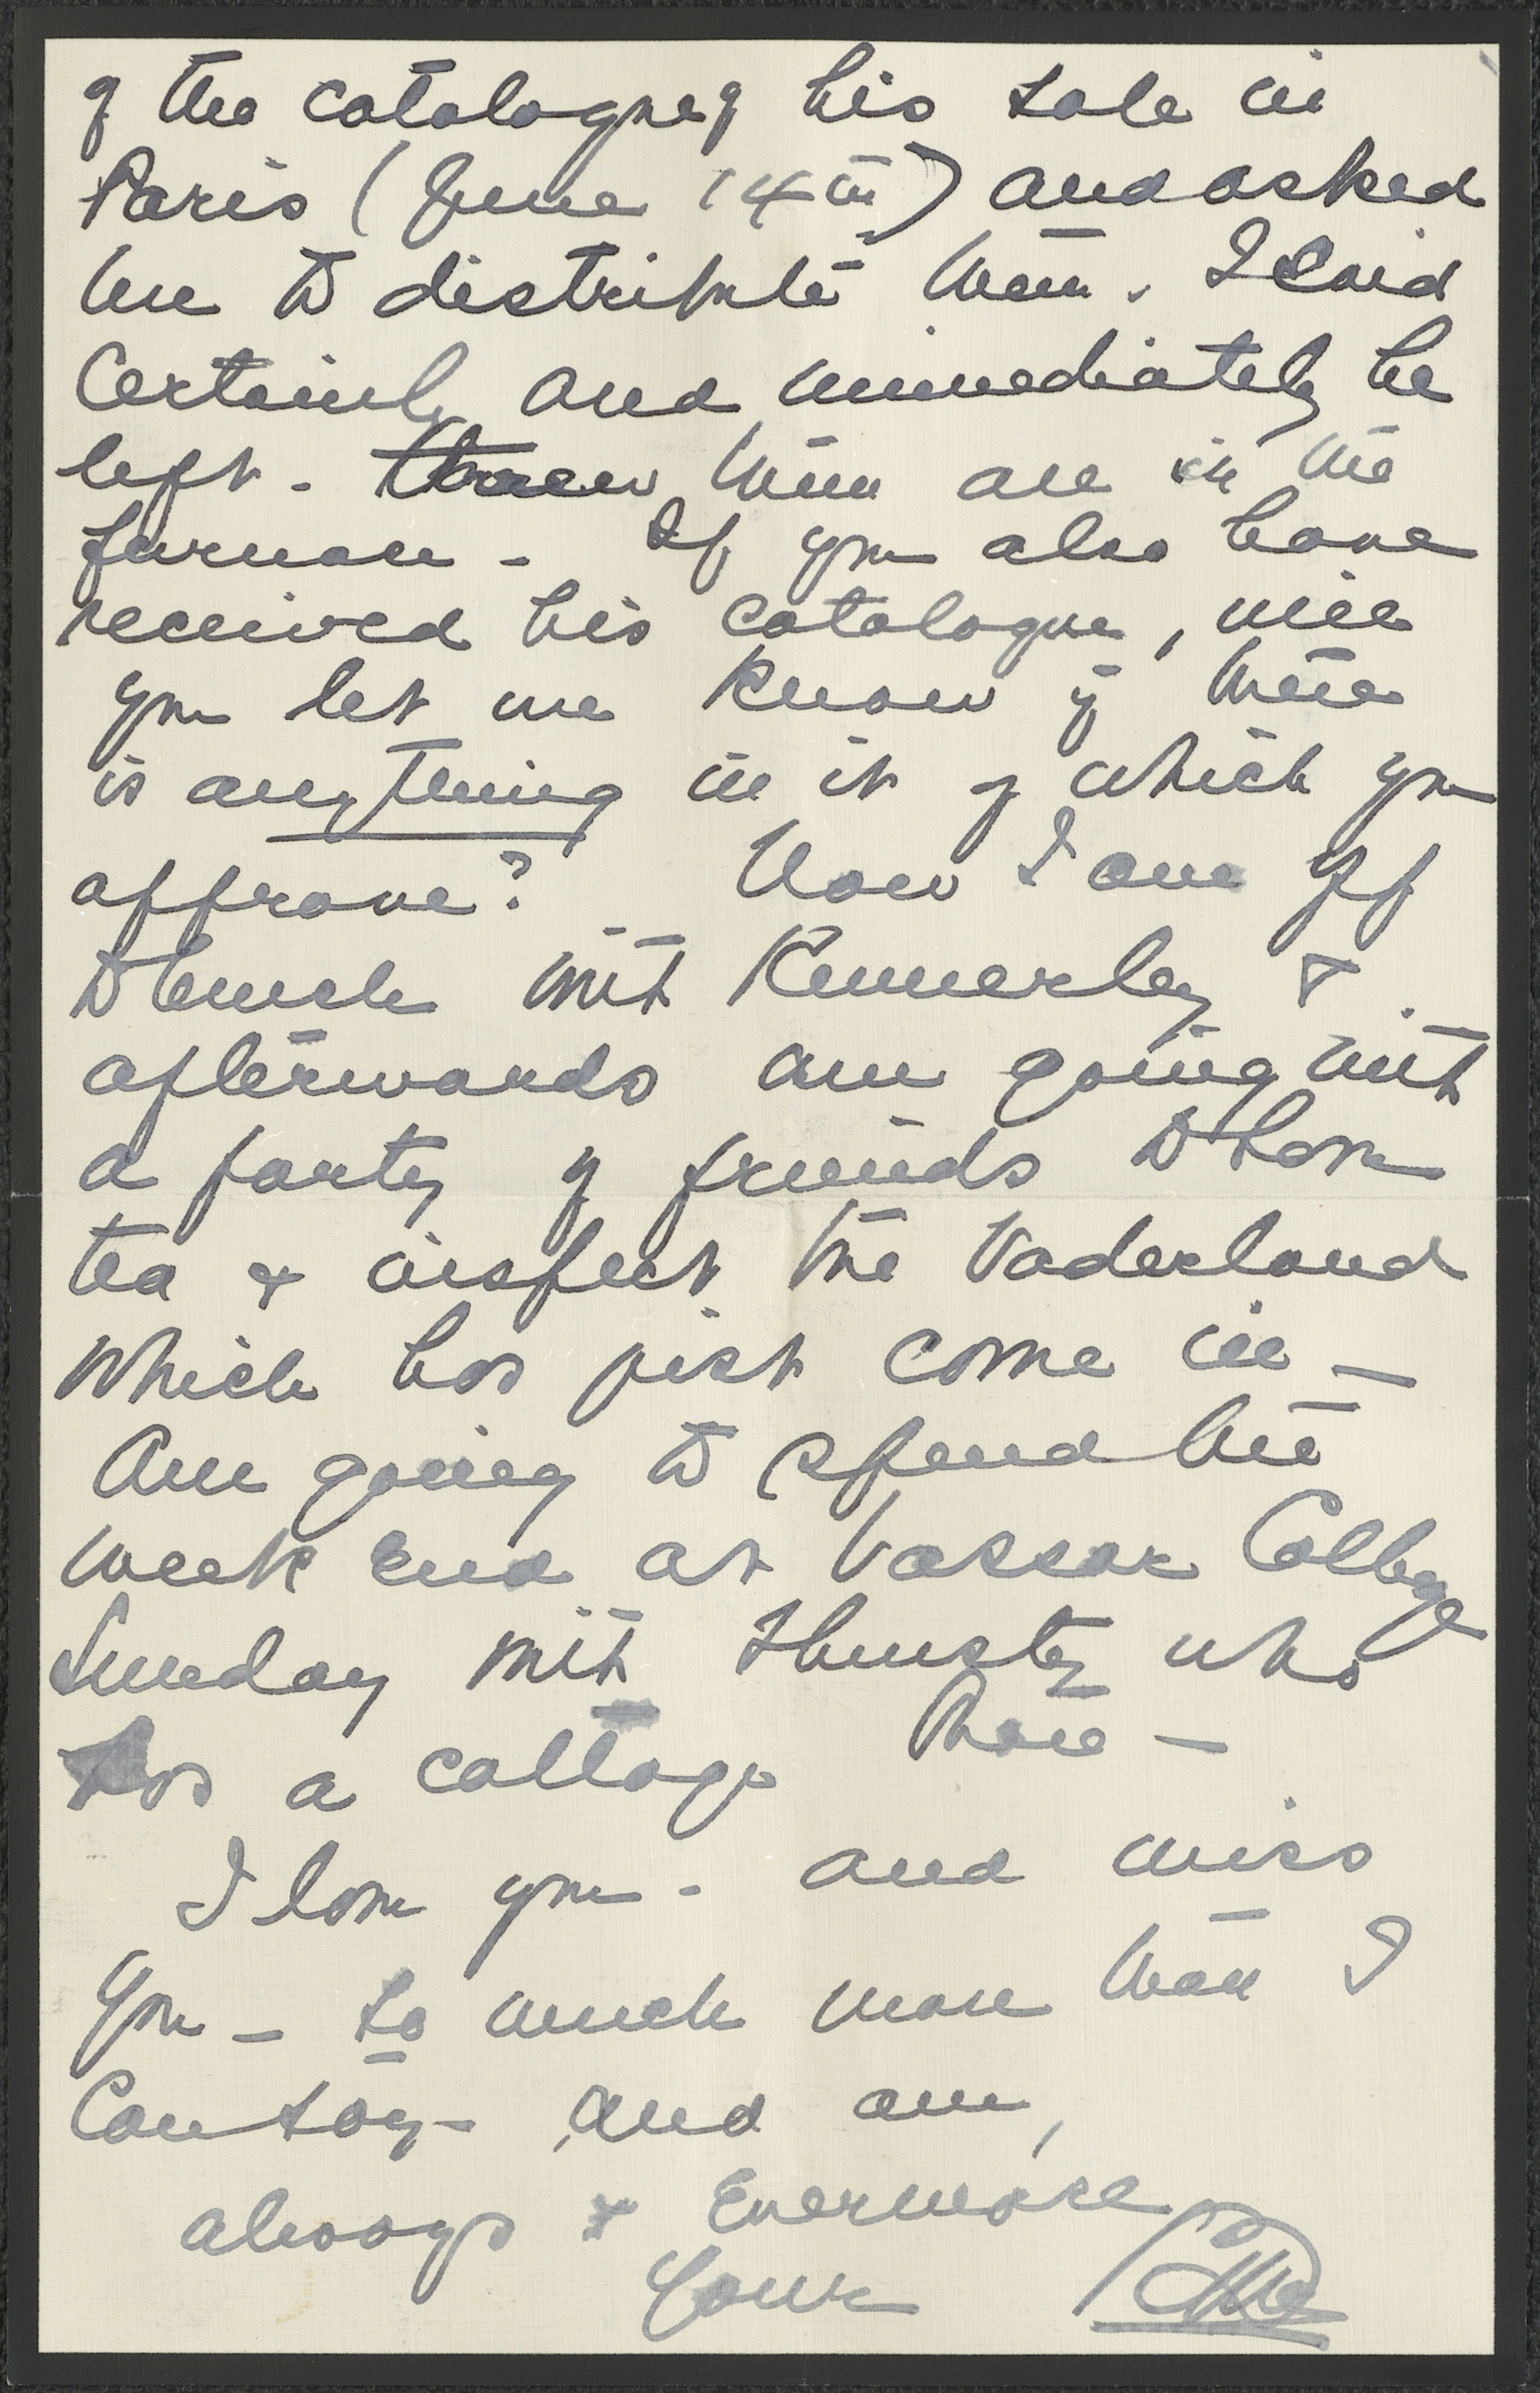of the catalogue of his sale in Paris (June 14th) and asked me to distribute them. I said certainly and immediately he left – threw them all in the furnace – If you also have received his catalogue, will you let me know if there is anything in it of which you approve? Now I am off to lunch with Kennerley & afterwards am going with a party of friends to have tea & inspect the Vaderland which has just come in – am going to spend the week end at Vassar College Sunday with Thursty who has a cottage there –
I love you – and miss you – so much more than I can say – and am,
always & evermore Your Belle